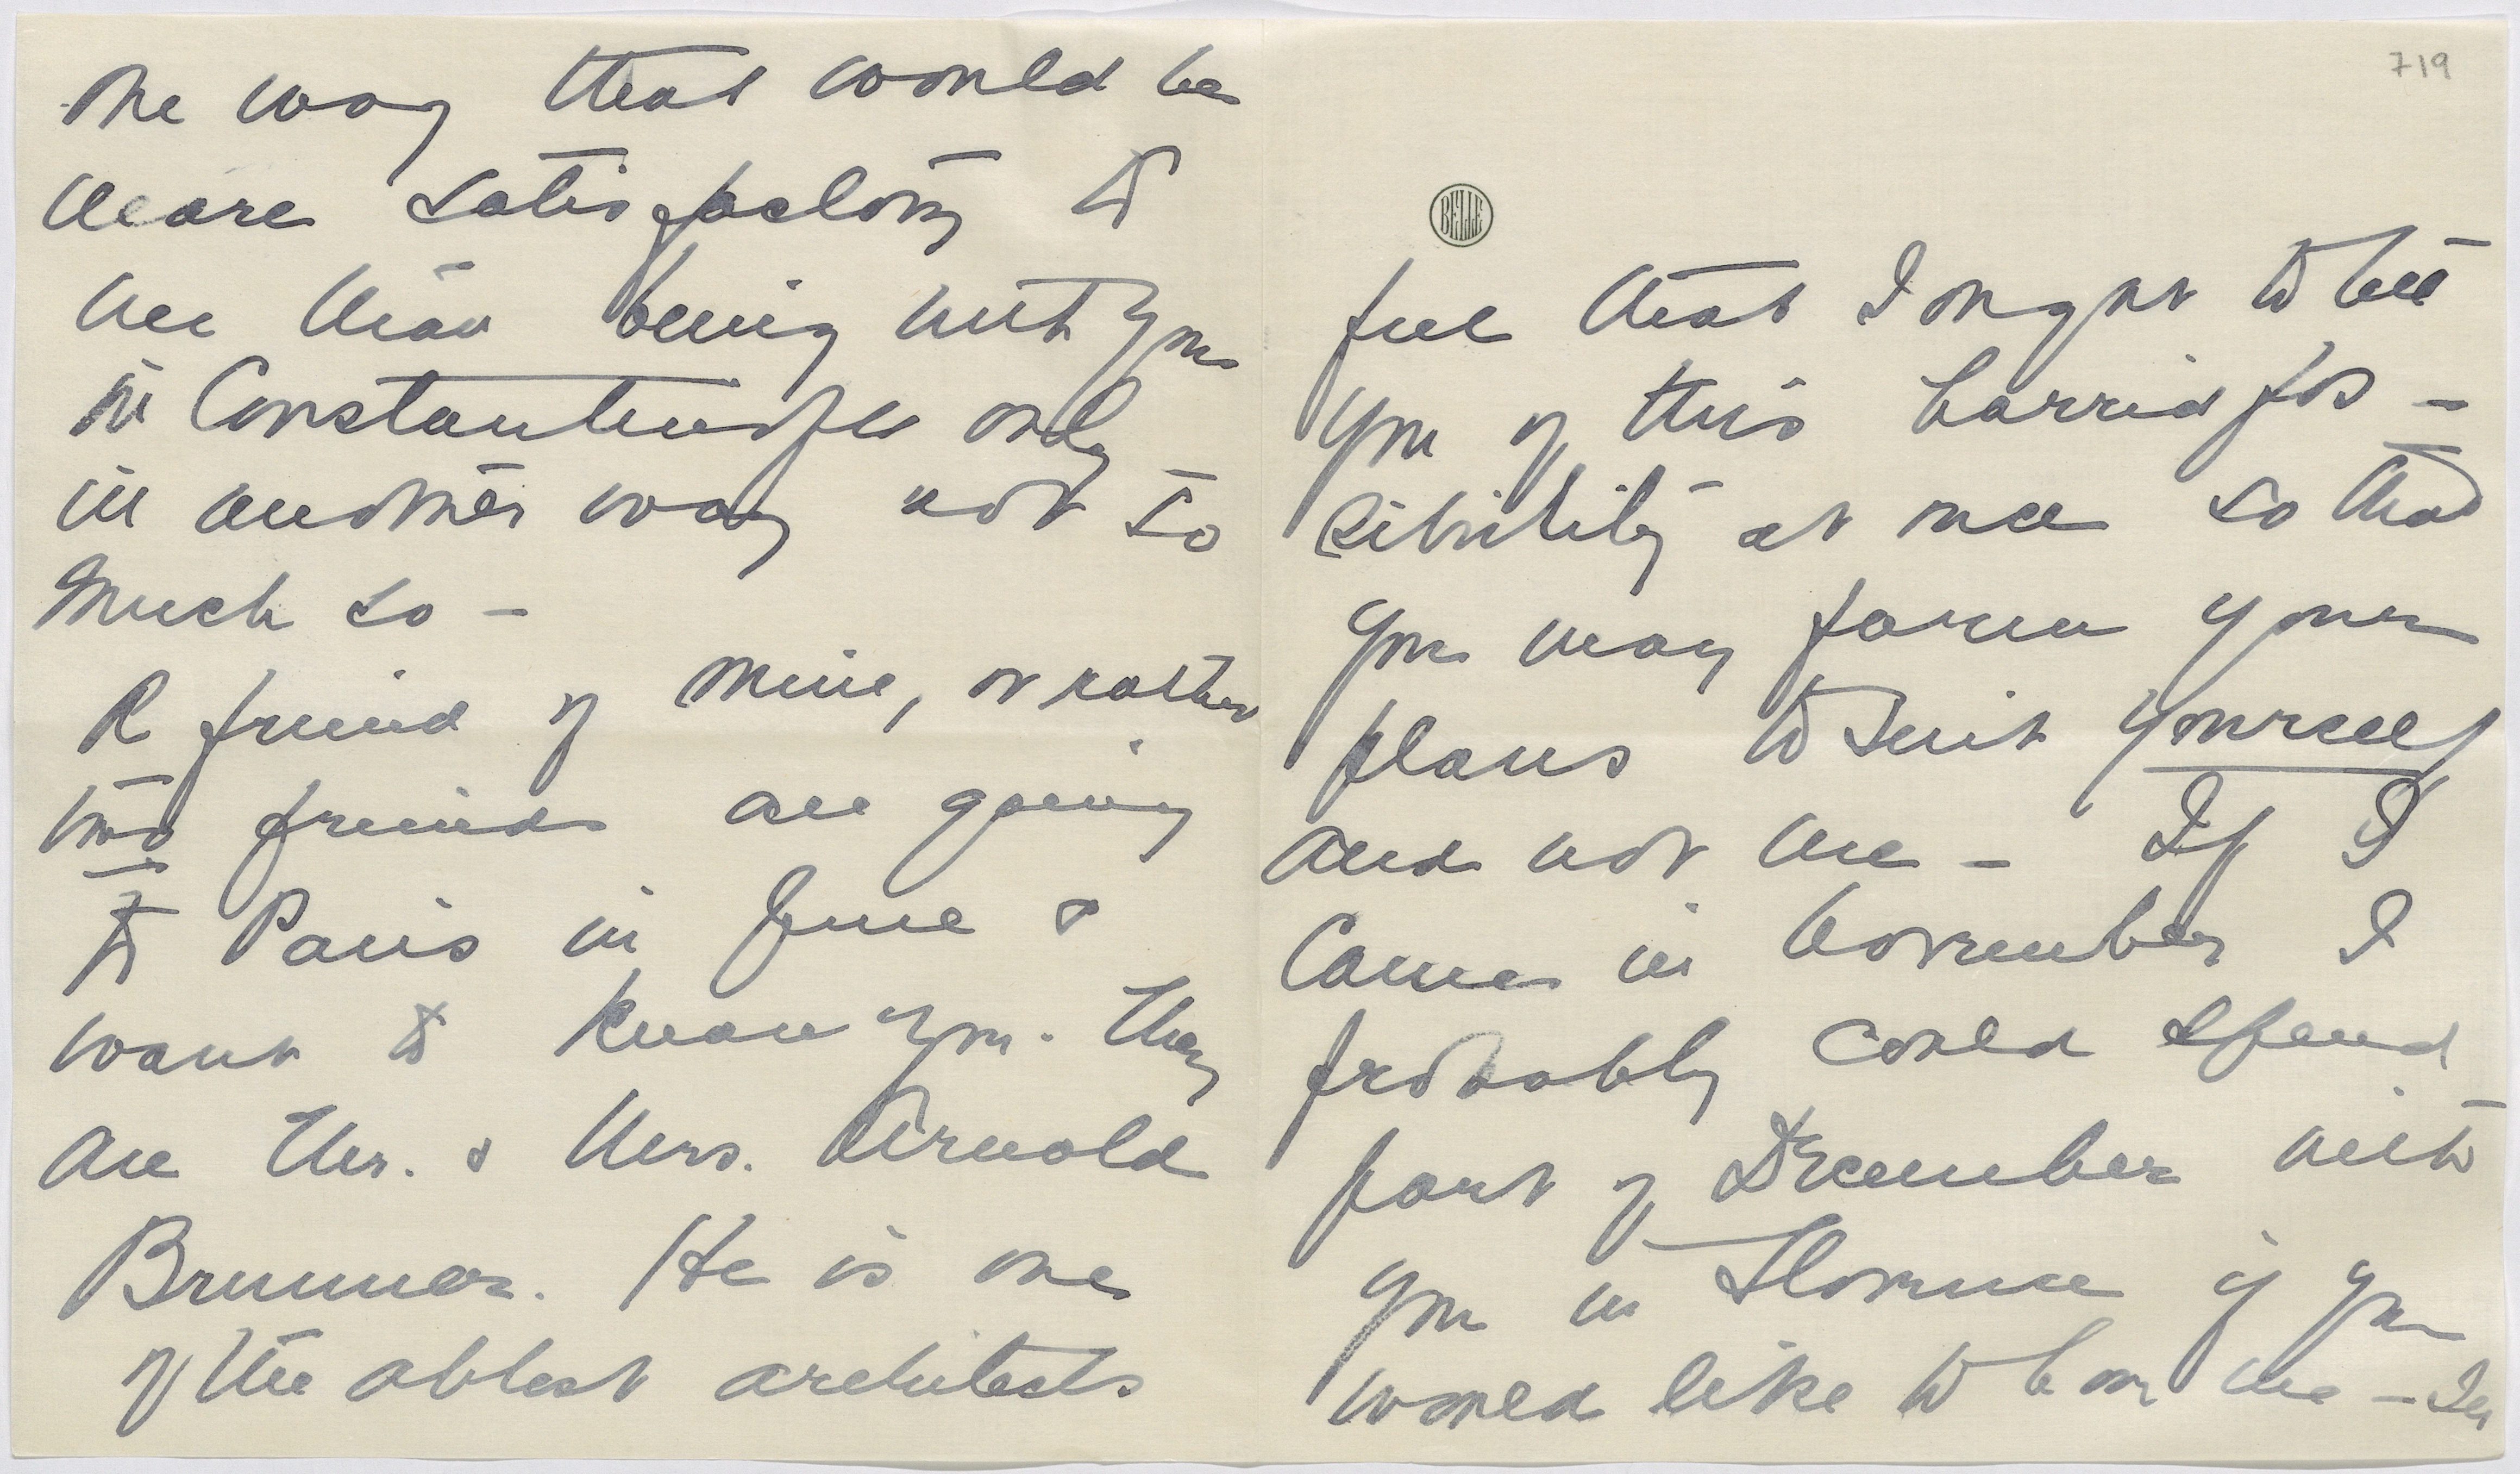feel that I ought to tell you of this horrid possibility at once so that you may form your plans to suit yourself and not me – If I came in November I probably could spend part of December with you in Florence if you would like to have me – In
one way that would be more satisfactory to me than being you in Constantinople only – in another way not so much so –
A friend of mine, or rather two friends are going to Paris in June & want to know you. They are Mr. & Mrs. Arnold Brunner. He is one of the ablest architects